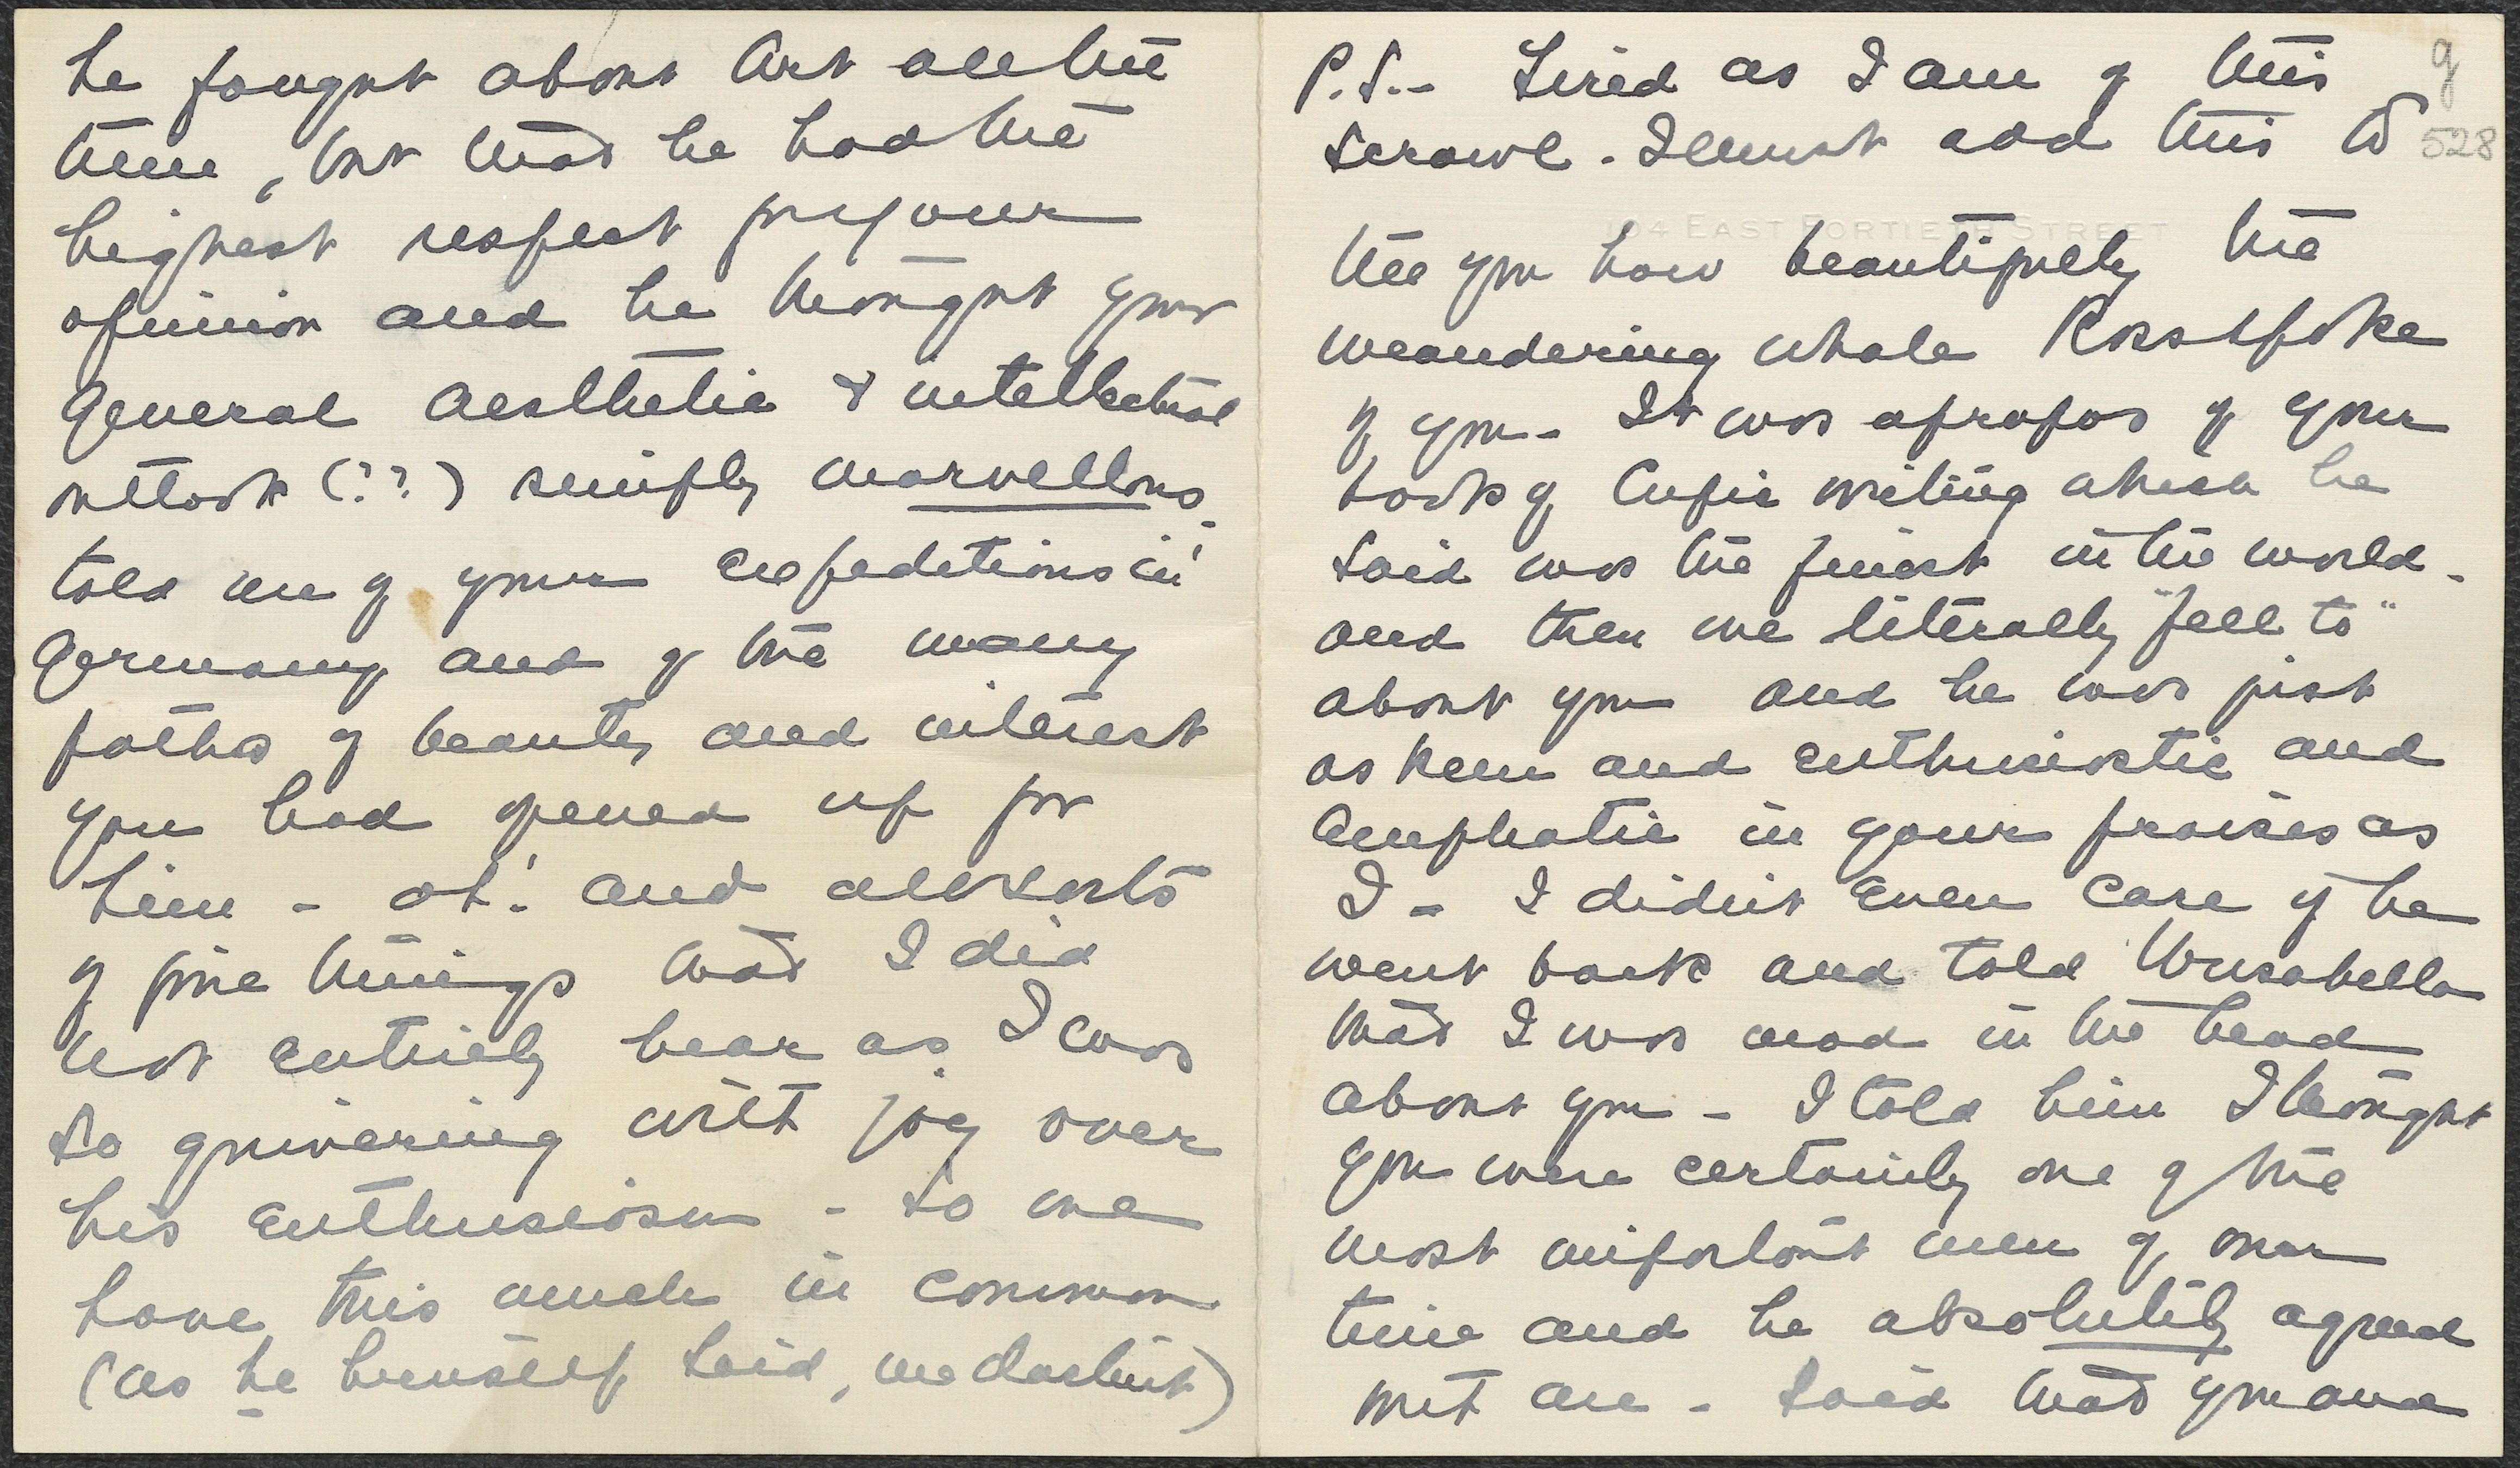P.S. – Tired as I am of this scrawl – I must add this to tell you how beautifully the meandering whale Ross spoke of you – It was apropos of your book of Cufic writing which he said was the finest in the world – and then we literally “fell to” about you and he was just as keen and enthusiastic and emphatic in your praises as I – I didn’t even care if he went back and told Wusabella that I was mad in the head about you – I told him I thought you were certainly one of the most important men of our time and he absolutely agreed with me – said that you and
he fought about art all the time, but that he had the highest respect for your opinion and he thought your general aesthetic & intellectual outlook (??) simply marvellous [sic] – told me of your expeditions in Germany and of the many paths of beauty and interest you had opened up for him – oh! and all sorts of fine things that I did not entirely hear as I was so quivering with joy over his enthusiasm – so we have this much in common (as he himself said, me darlint)